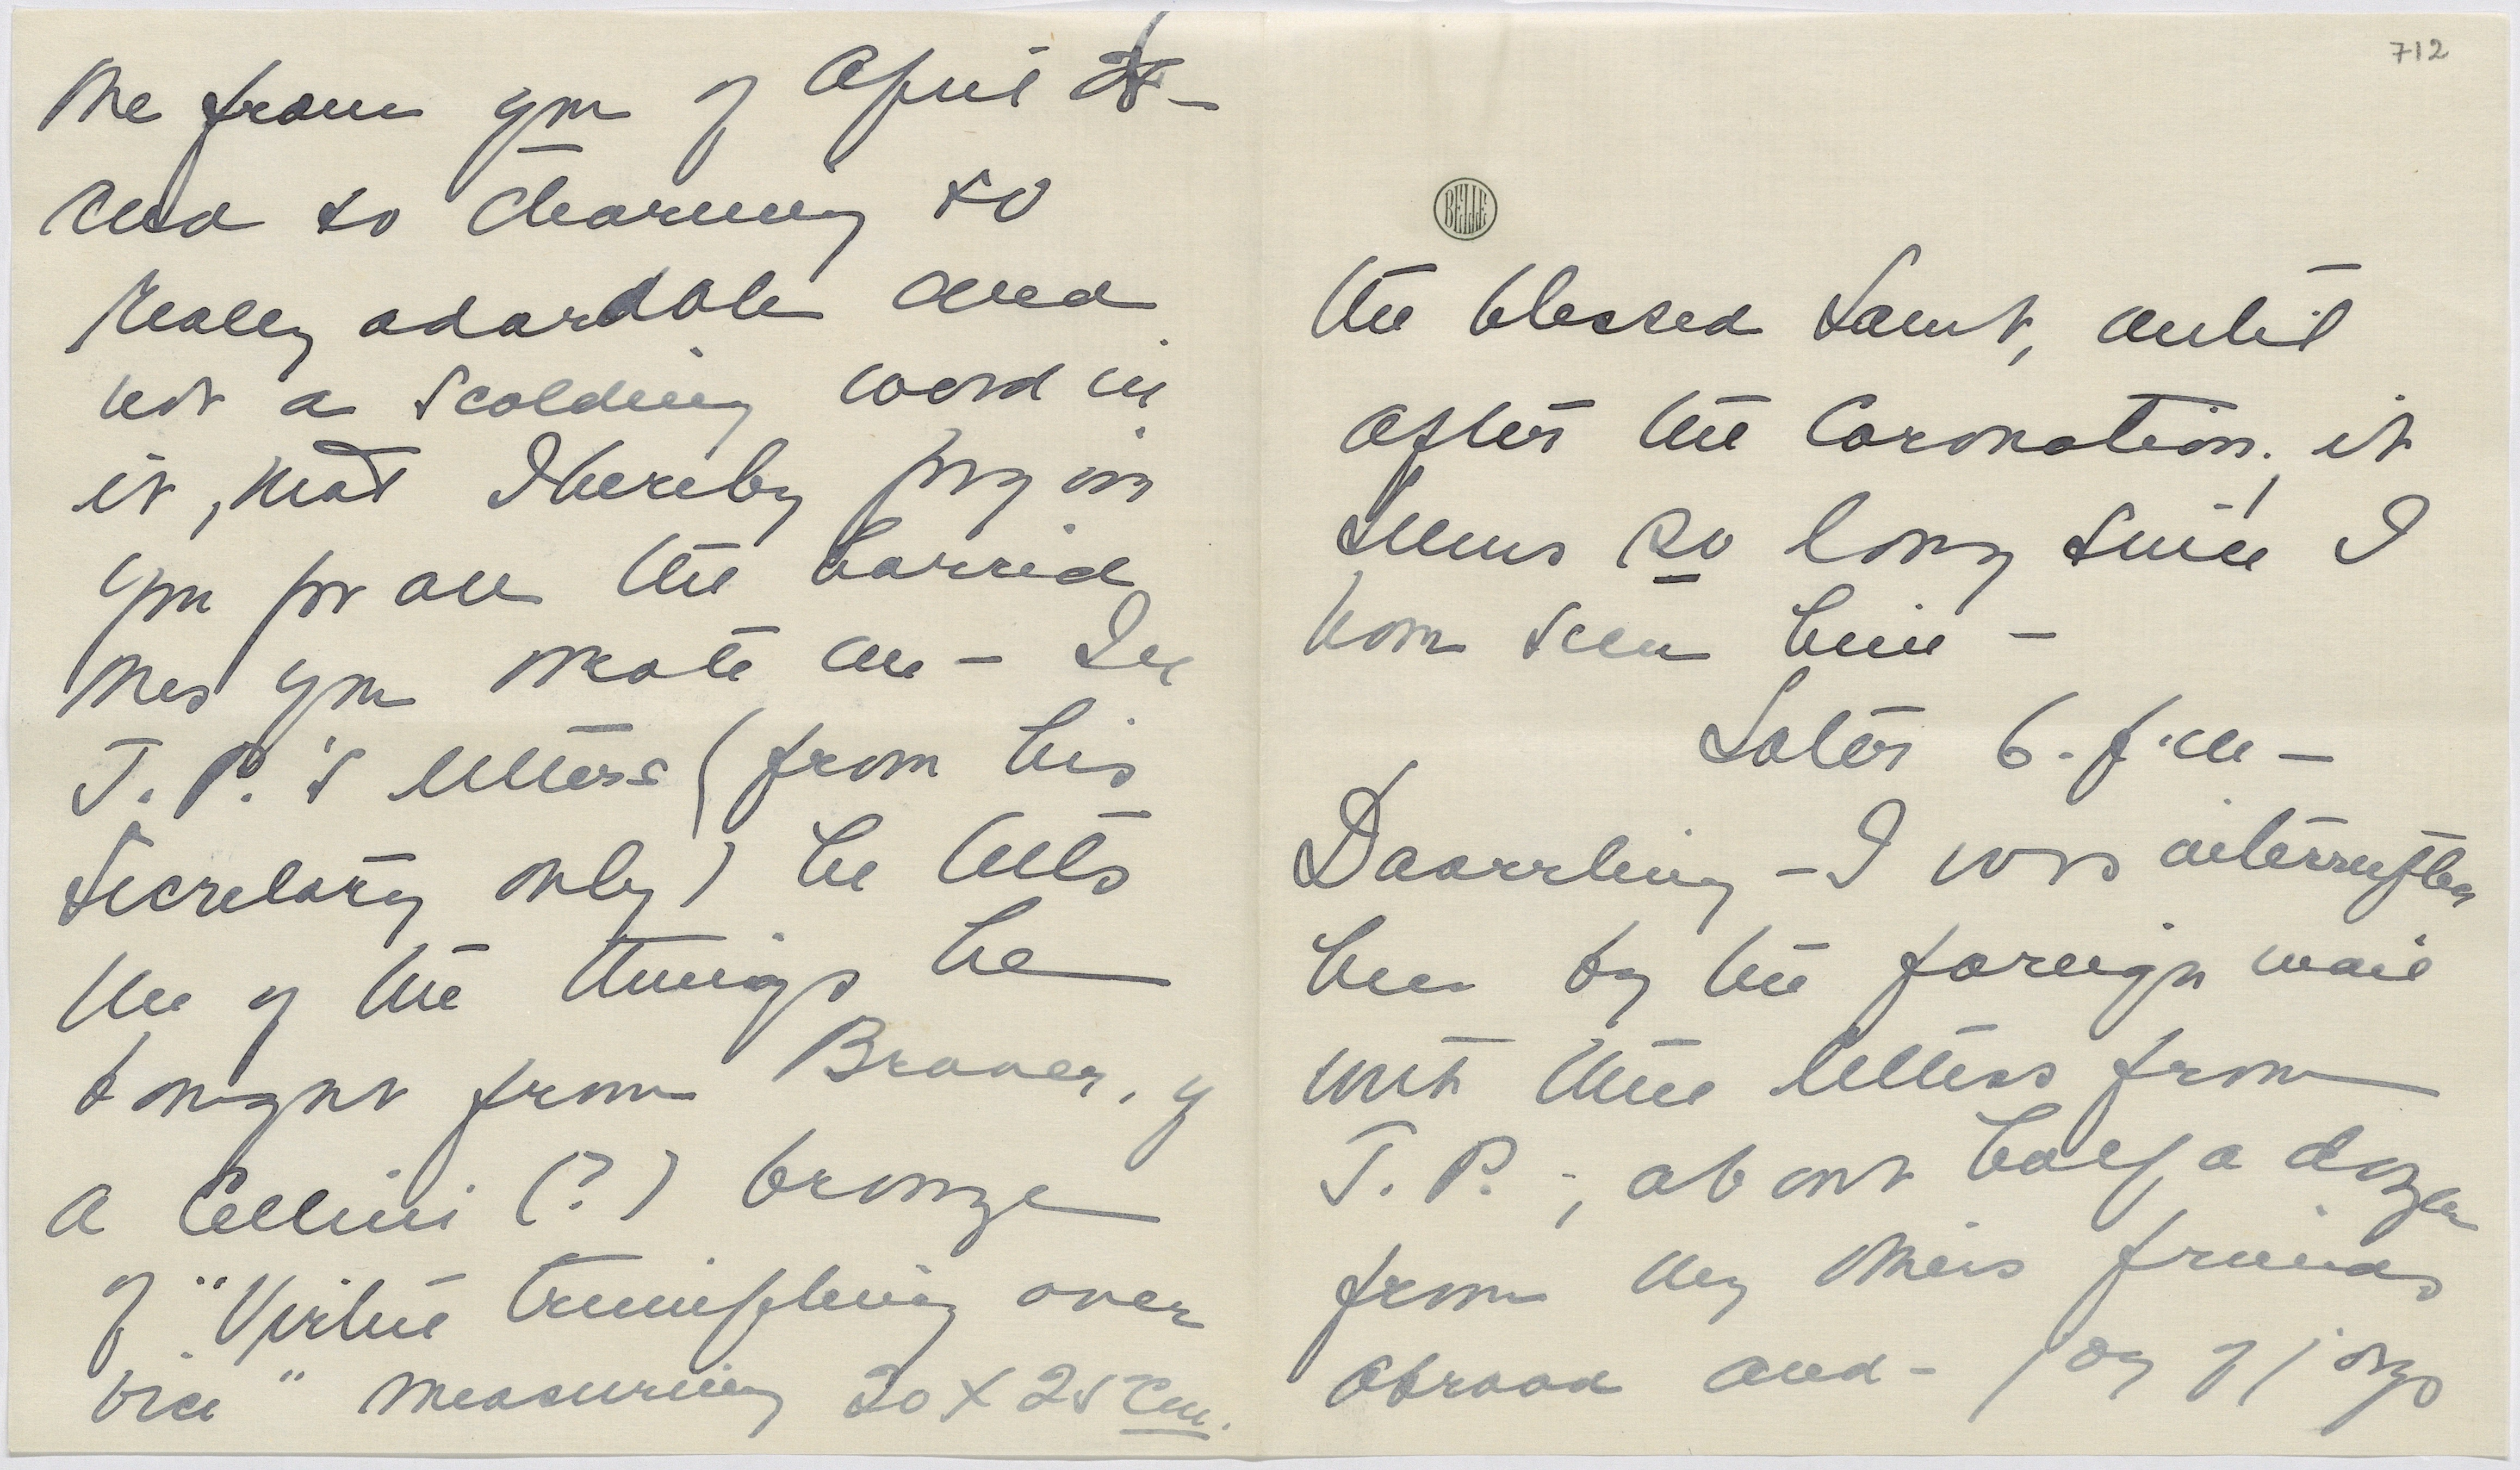the blessed Saint, until after the coronation. it seems so long since I have seen him –
Later 6 p.m. –
Daarrling – I was interrupted here by the foreign mail with three letters from J. P., about half a dozen from my other friends abroad and – joy of joys
one from you of April 21 [?] – and so charming so really adorable and not a scolding word in it, that I hereby forgive you for all the horrid mess you wrote me – In J. P.’s letters (from his Secretary only) he tells me of the things he bought from Brauer, of a Cellini (?) bronze of “Virtue triumphing over vice” measuring 20 x 25 cm.